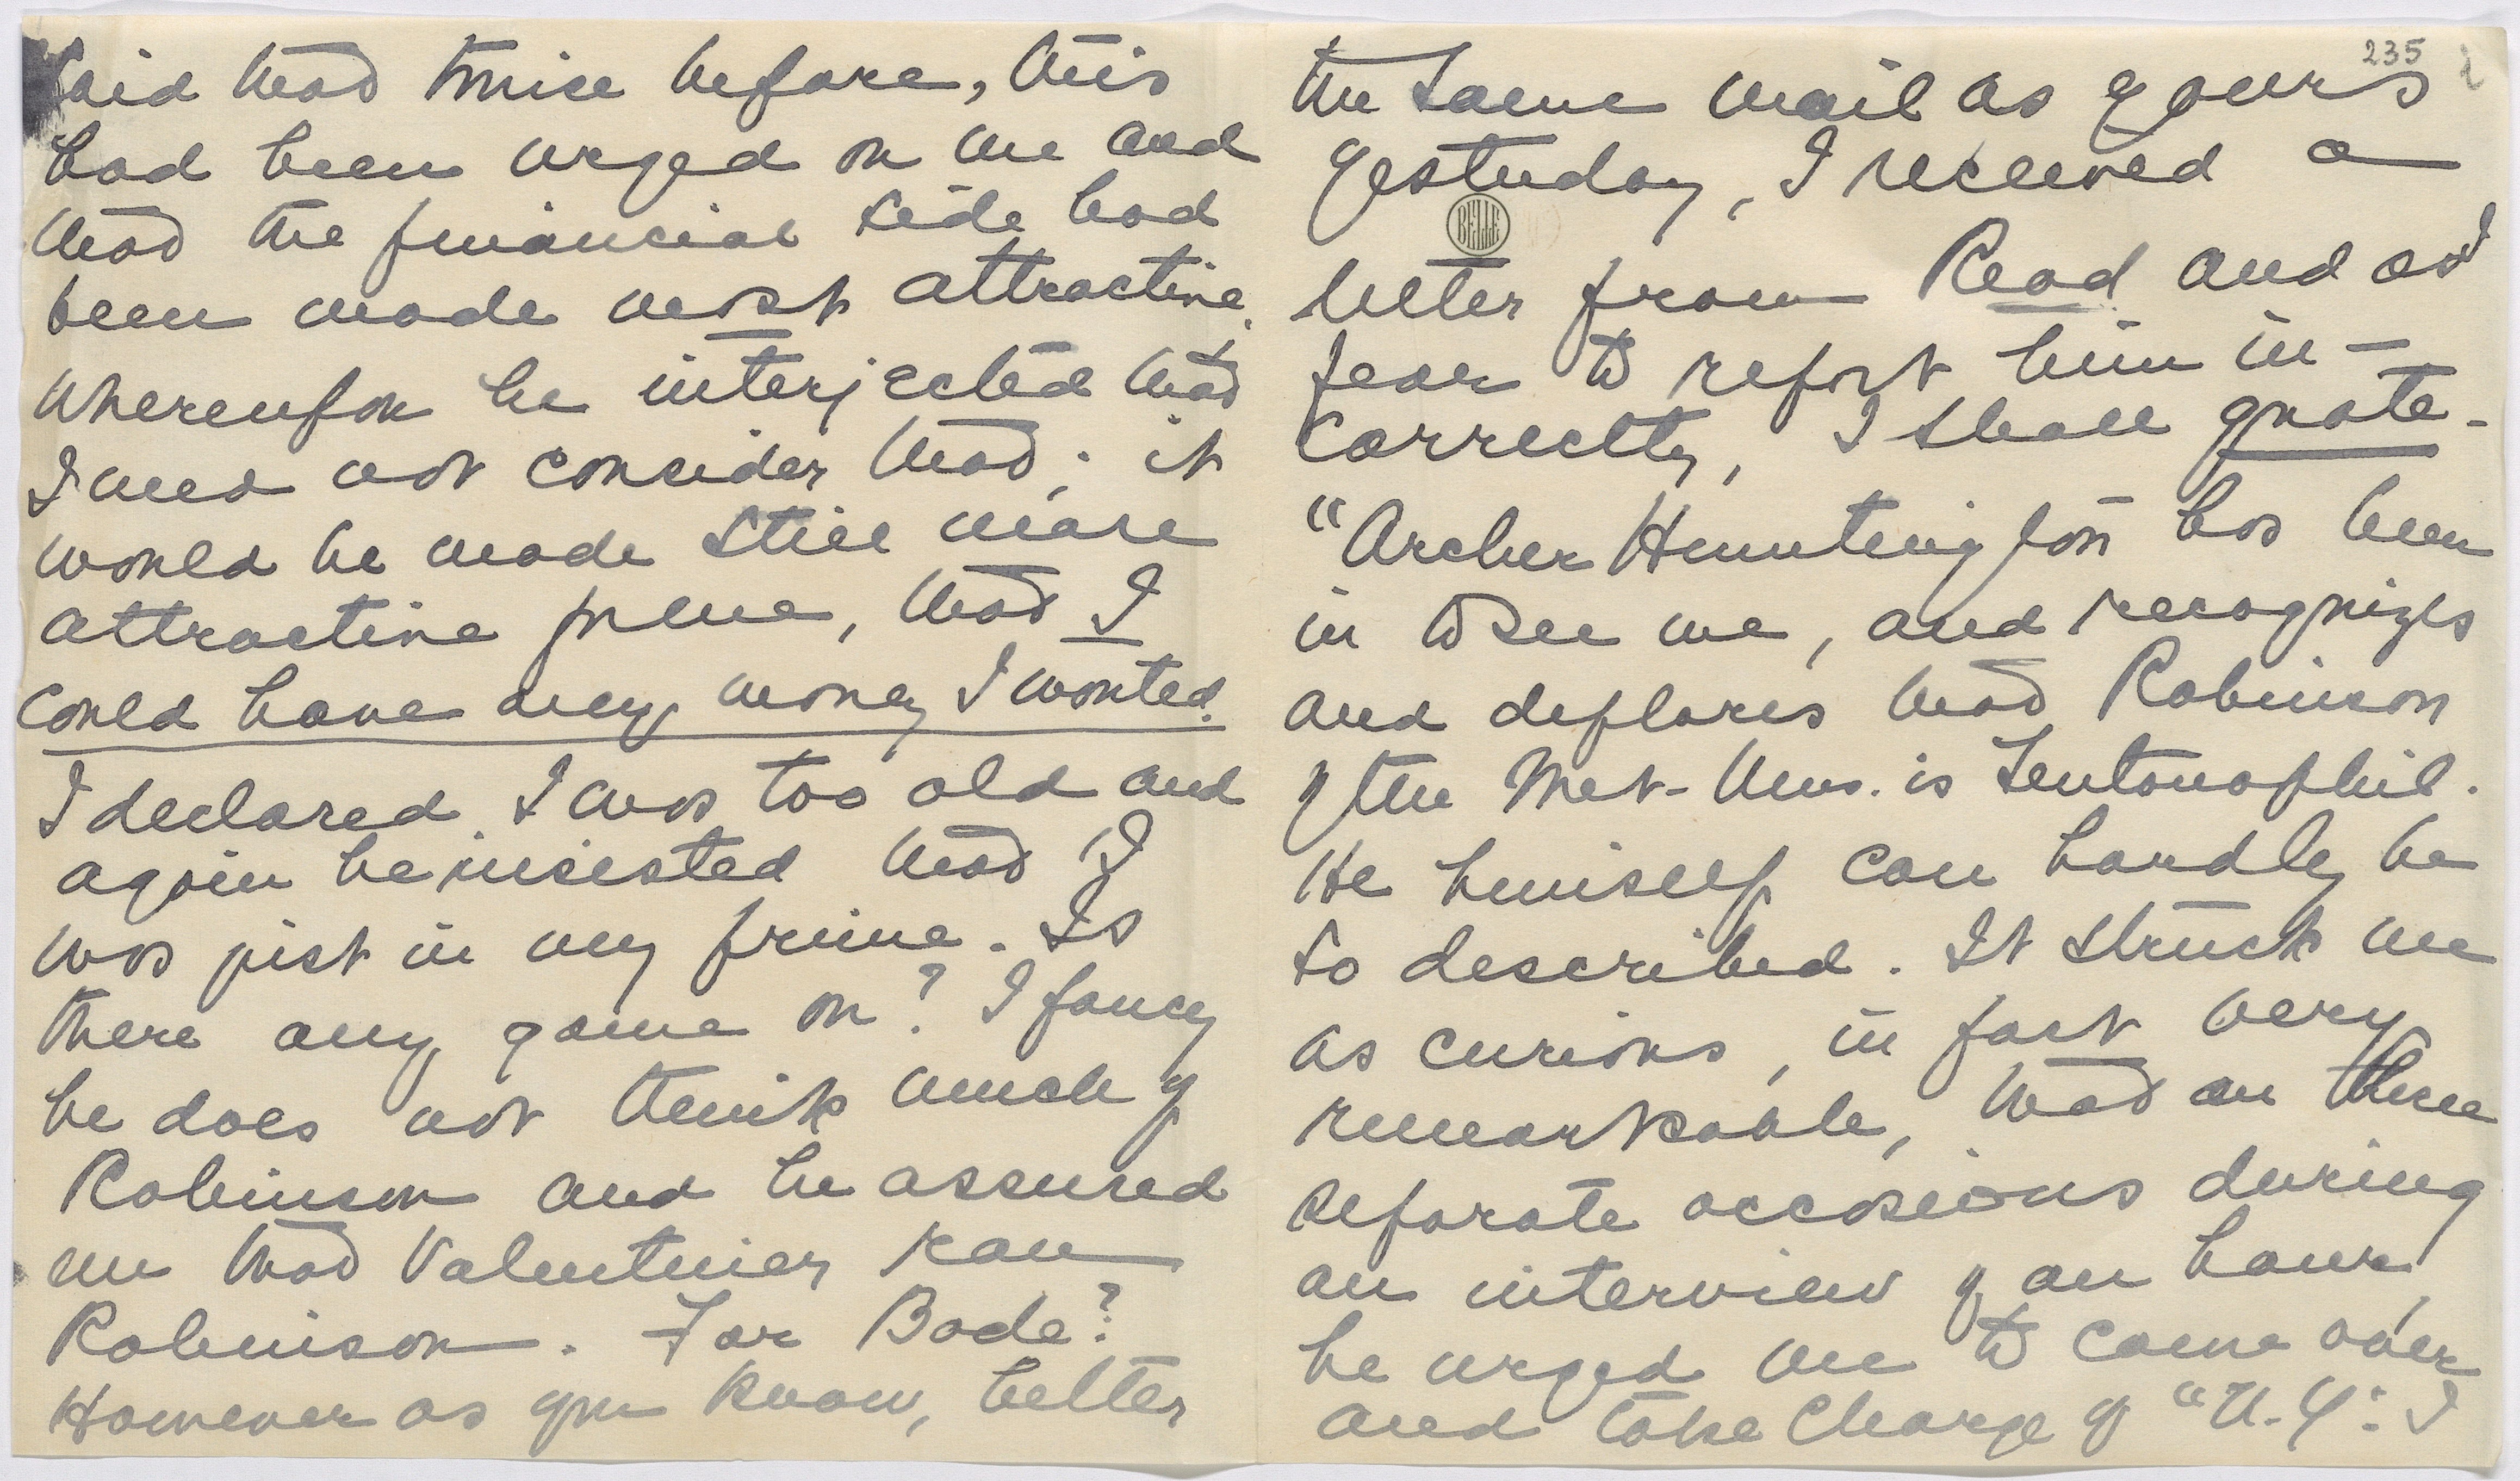the same mails as yours yesterday, I received a letter from Read and as I fear to report him incorrectly, I shall quote – “Archer Huntington has been in to see me, and recognizes and deplores that Robinson of the Met. Mus. is Teutonophil. He himself can hardly be so described. It struck me as curious, in fact very remarkable, that on three separate occasions during an interview of an hour he urged me to come over and take charge of “N.Y.” I
said that twice before, this had been urged on me and that the financial side had been made most attractive. Whereupon he interjected that I need not consider that; it would be made still more attractive for me, that I could have any money I wanted. I declared I was too old and again he insisted that I was just in my prime. Is there any game on? I fancy he does not think much of Robinson and he assured me that Valentiner ran Robinson. For Bode? However as you know, better